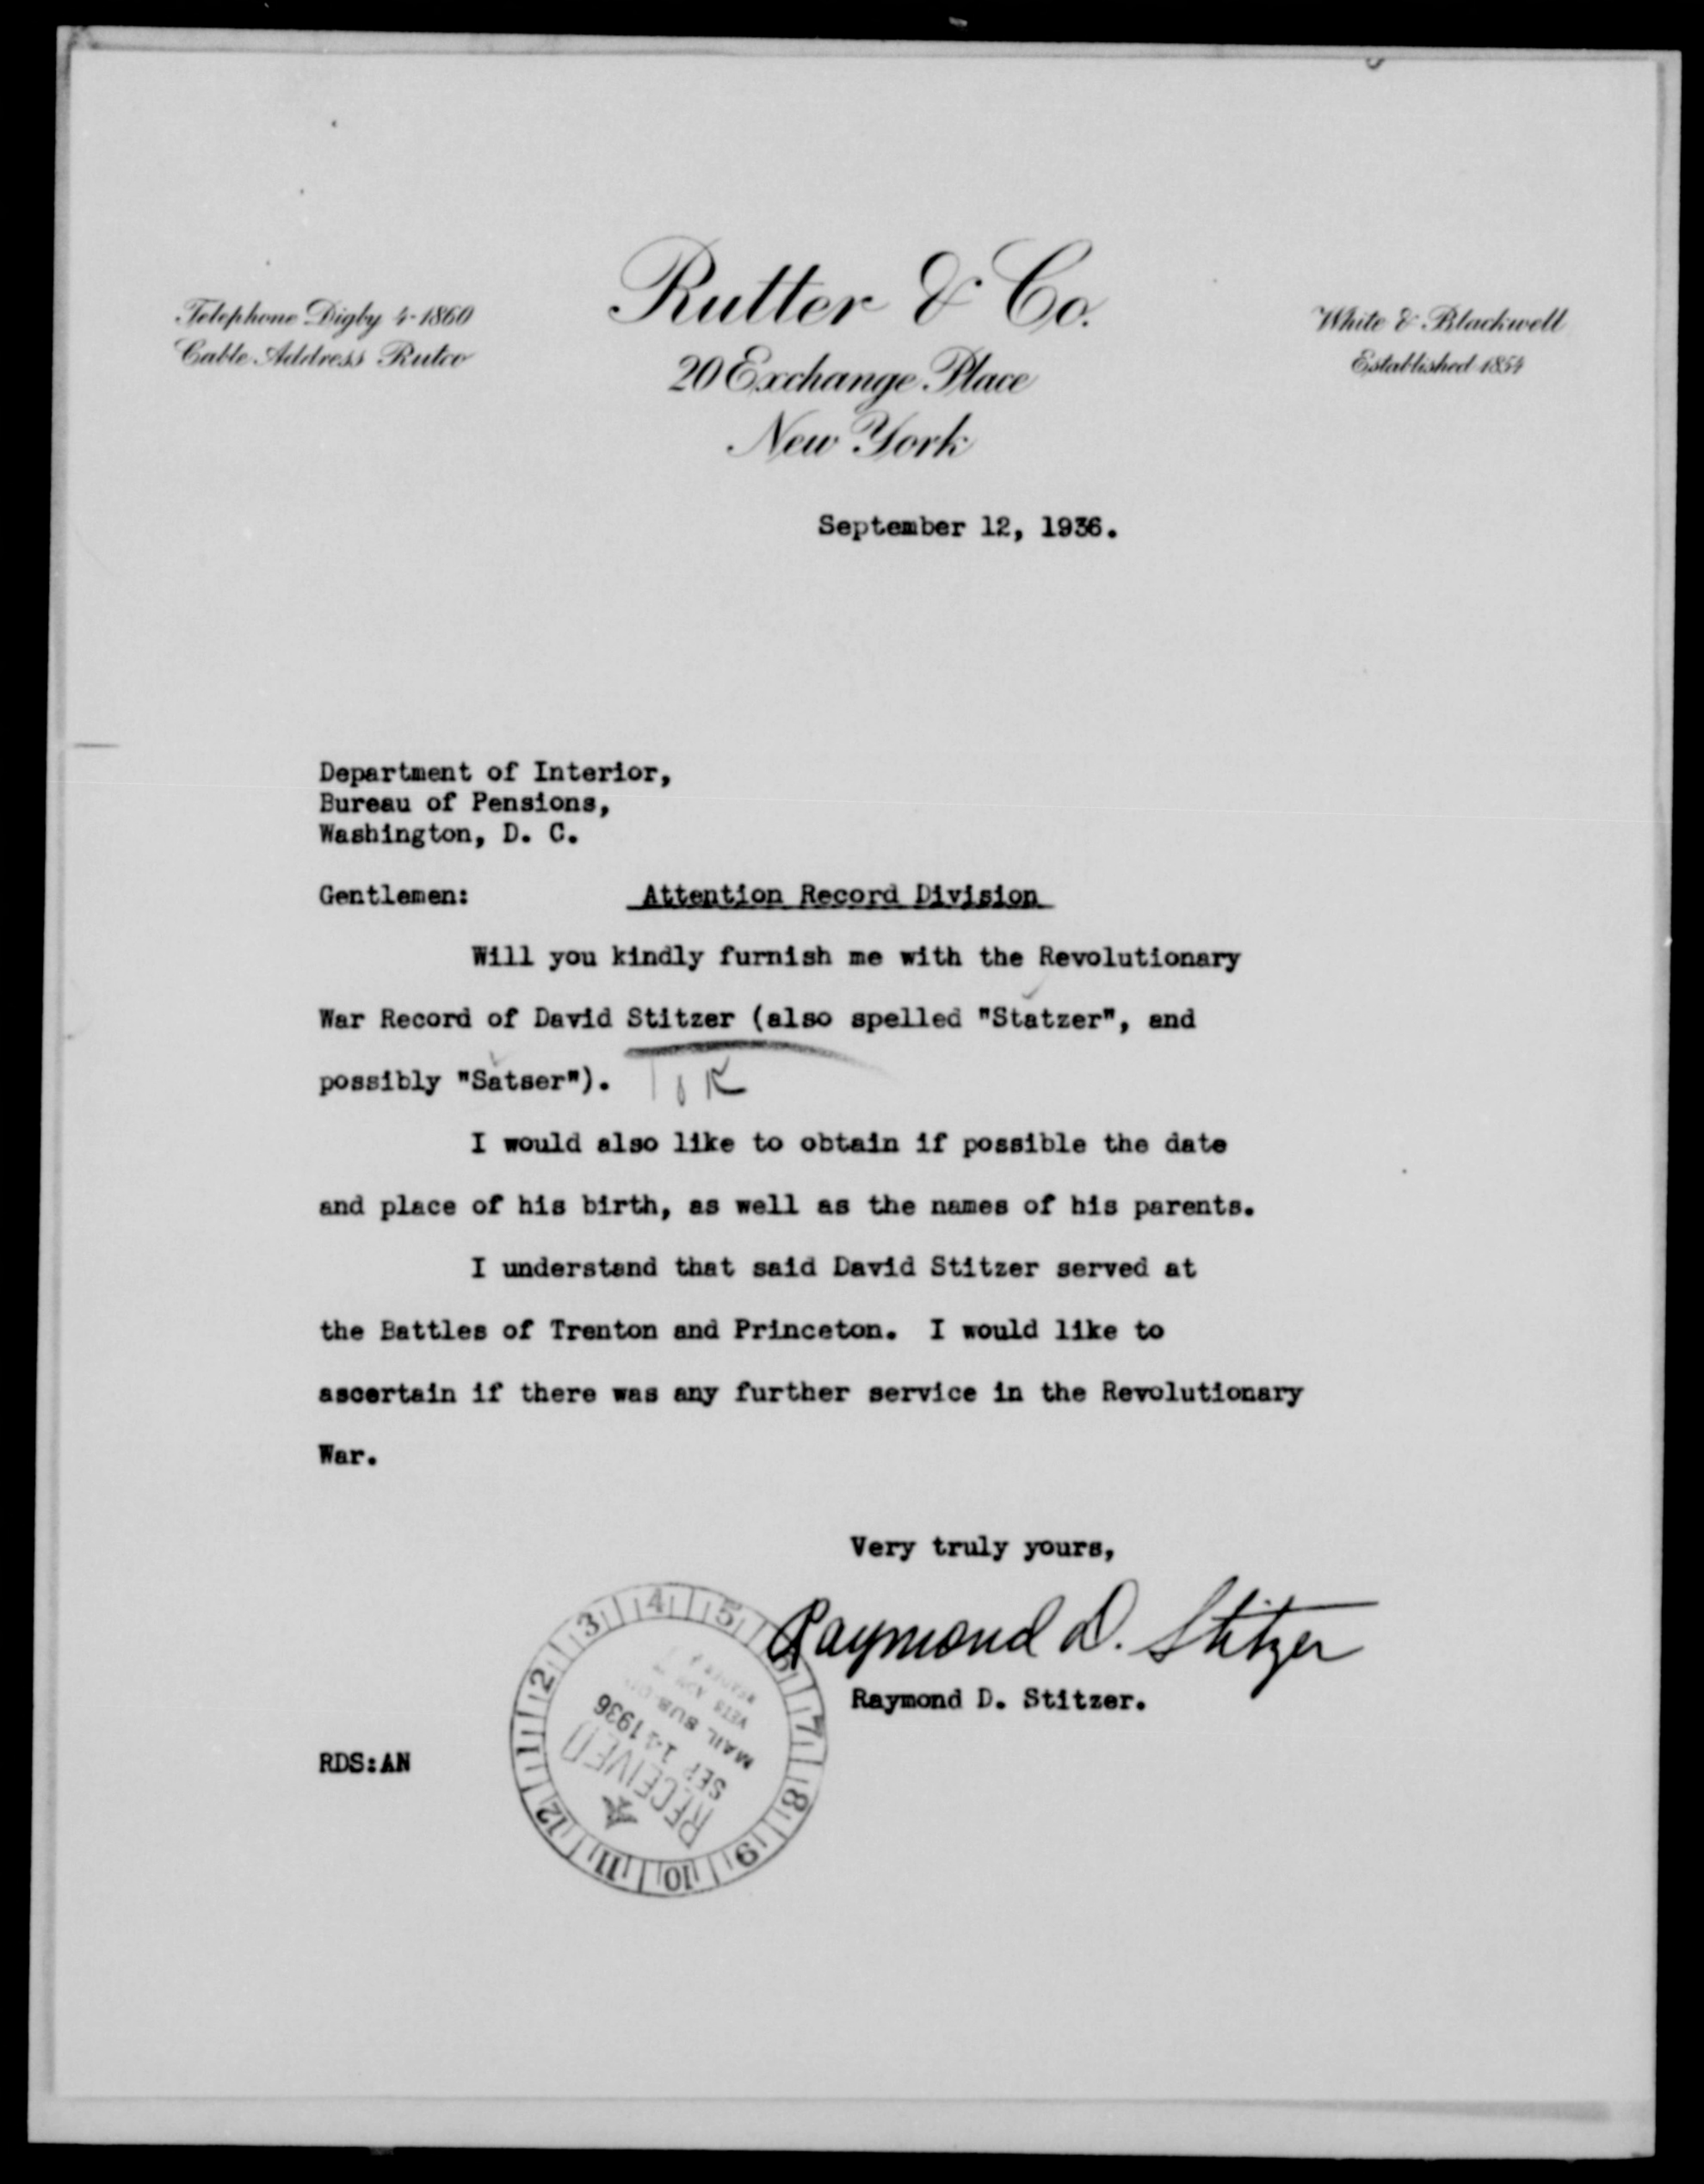Rutter & Co.
20 Exchange Place
New York
Telephone Digby 4 1860
Cable Address Rutco
White & Blackwell
Established 1854
September 12, 1936.
Department of Interior,
Bureau of Pensions
Washington, D.C.
Attention Record Division
Gentlemen:
Will you kindly furnish me with the Revolutionary War Record of David Stitzer (also spelled " Statzer", and possibly "Satser").
I would also like to obtain if possible the date and place of his birth, as well as the names of his parents.
I understand that said David Stitzer served at the Battles of Trenton and Princeton. I would like to ascertain if there was any further service in the Revolutionary War.
Very truly yours,
Raymond D. Stitzer
Raymond D. Stitzer.
RDS:AN
[Stamp: Received Sept 14, 1936]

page: 27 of 28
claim: widow's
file: W. 3163, for David Statser, Pennsylvania